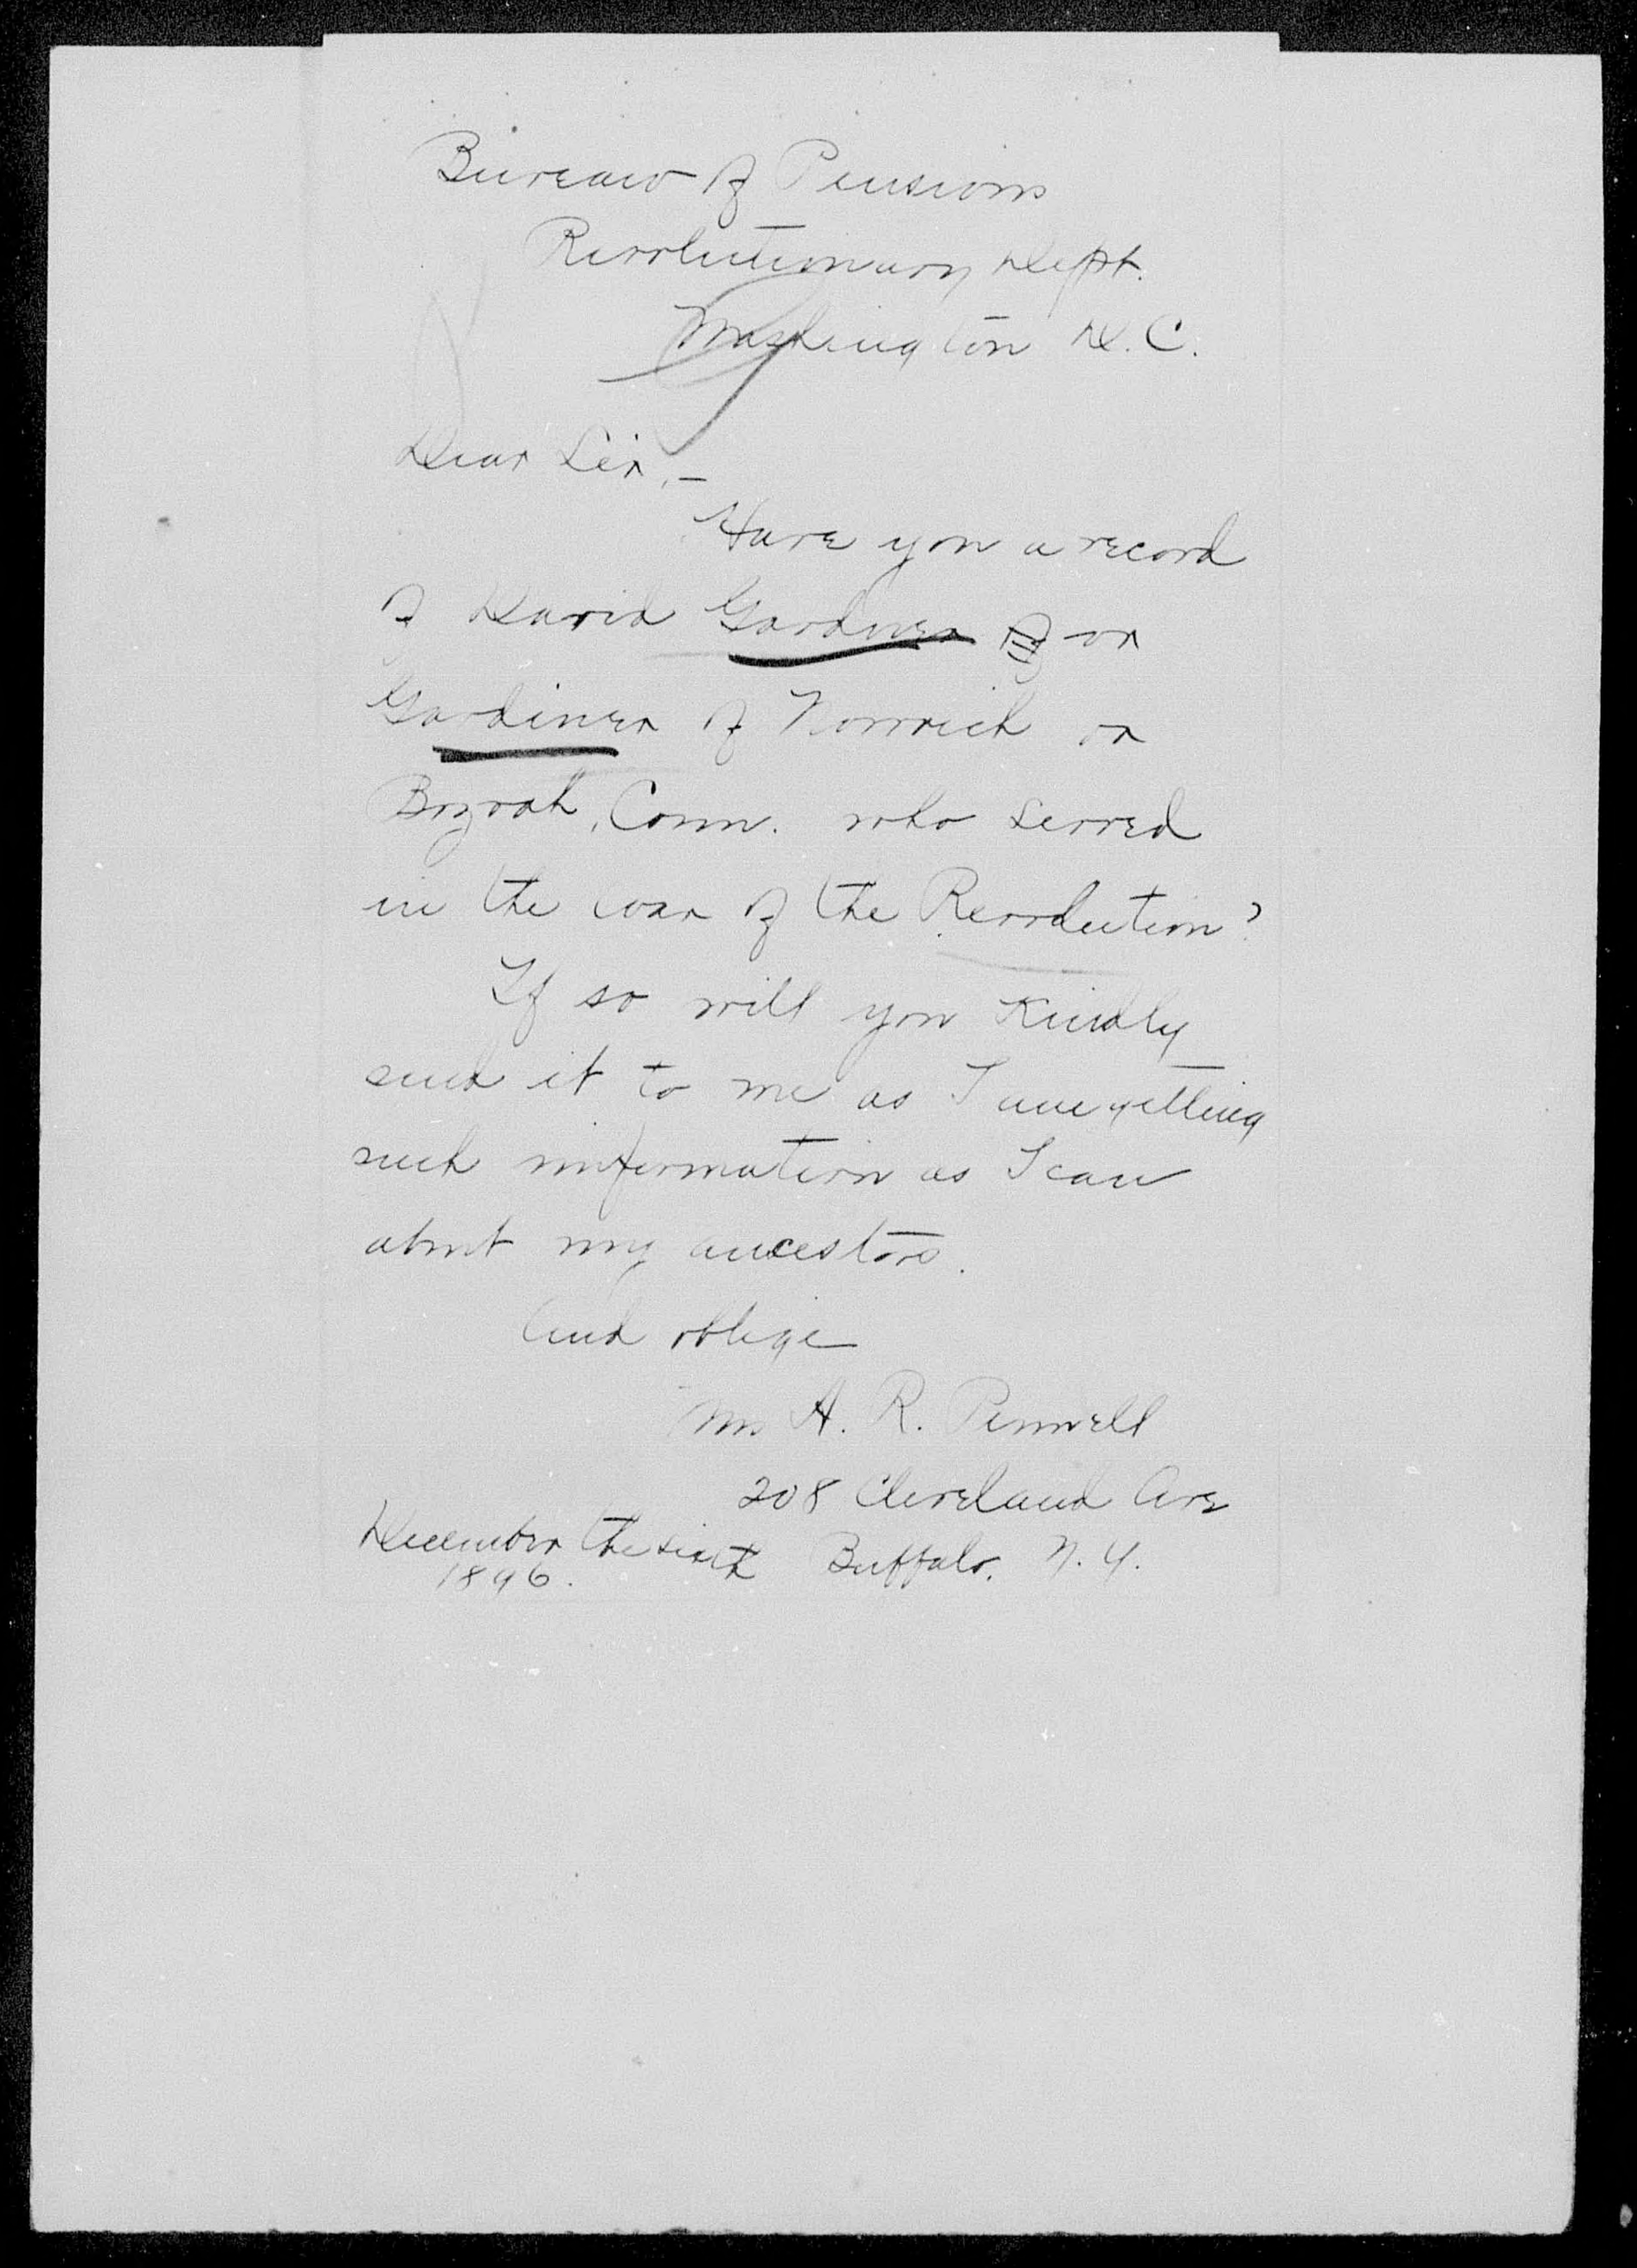Bureau of Pensions
Revolutionary Dept.
Washington D. C.

Dear Sir - 
Have you a record of David Gardner or Gardiner of Norwich or Bozrah, Conn. who served in the War of the Revolution?
If so will you kindly send it to me as I am getting such information as I can about my ancestor.
And oblige
Mrs.  A. R. Penwell
208 Cleveland Ave
Buffalo, N.Y.

December the sixth 1896.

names: David Gardner, Gardiner, A R Penwell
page: 39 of 66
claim: widow's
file: W 1850, David Gardner, Conn.